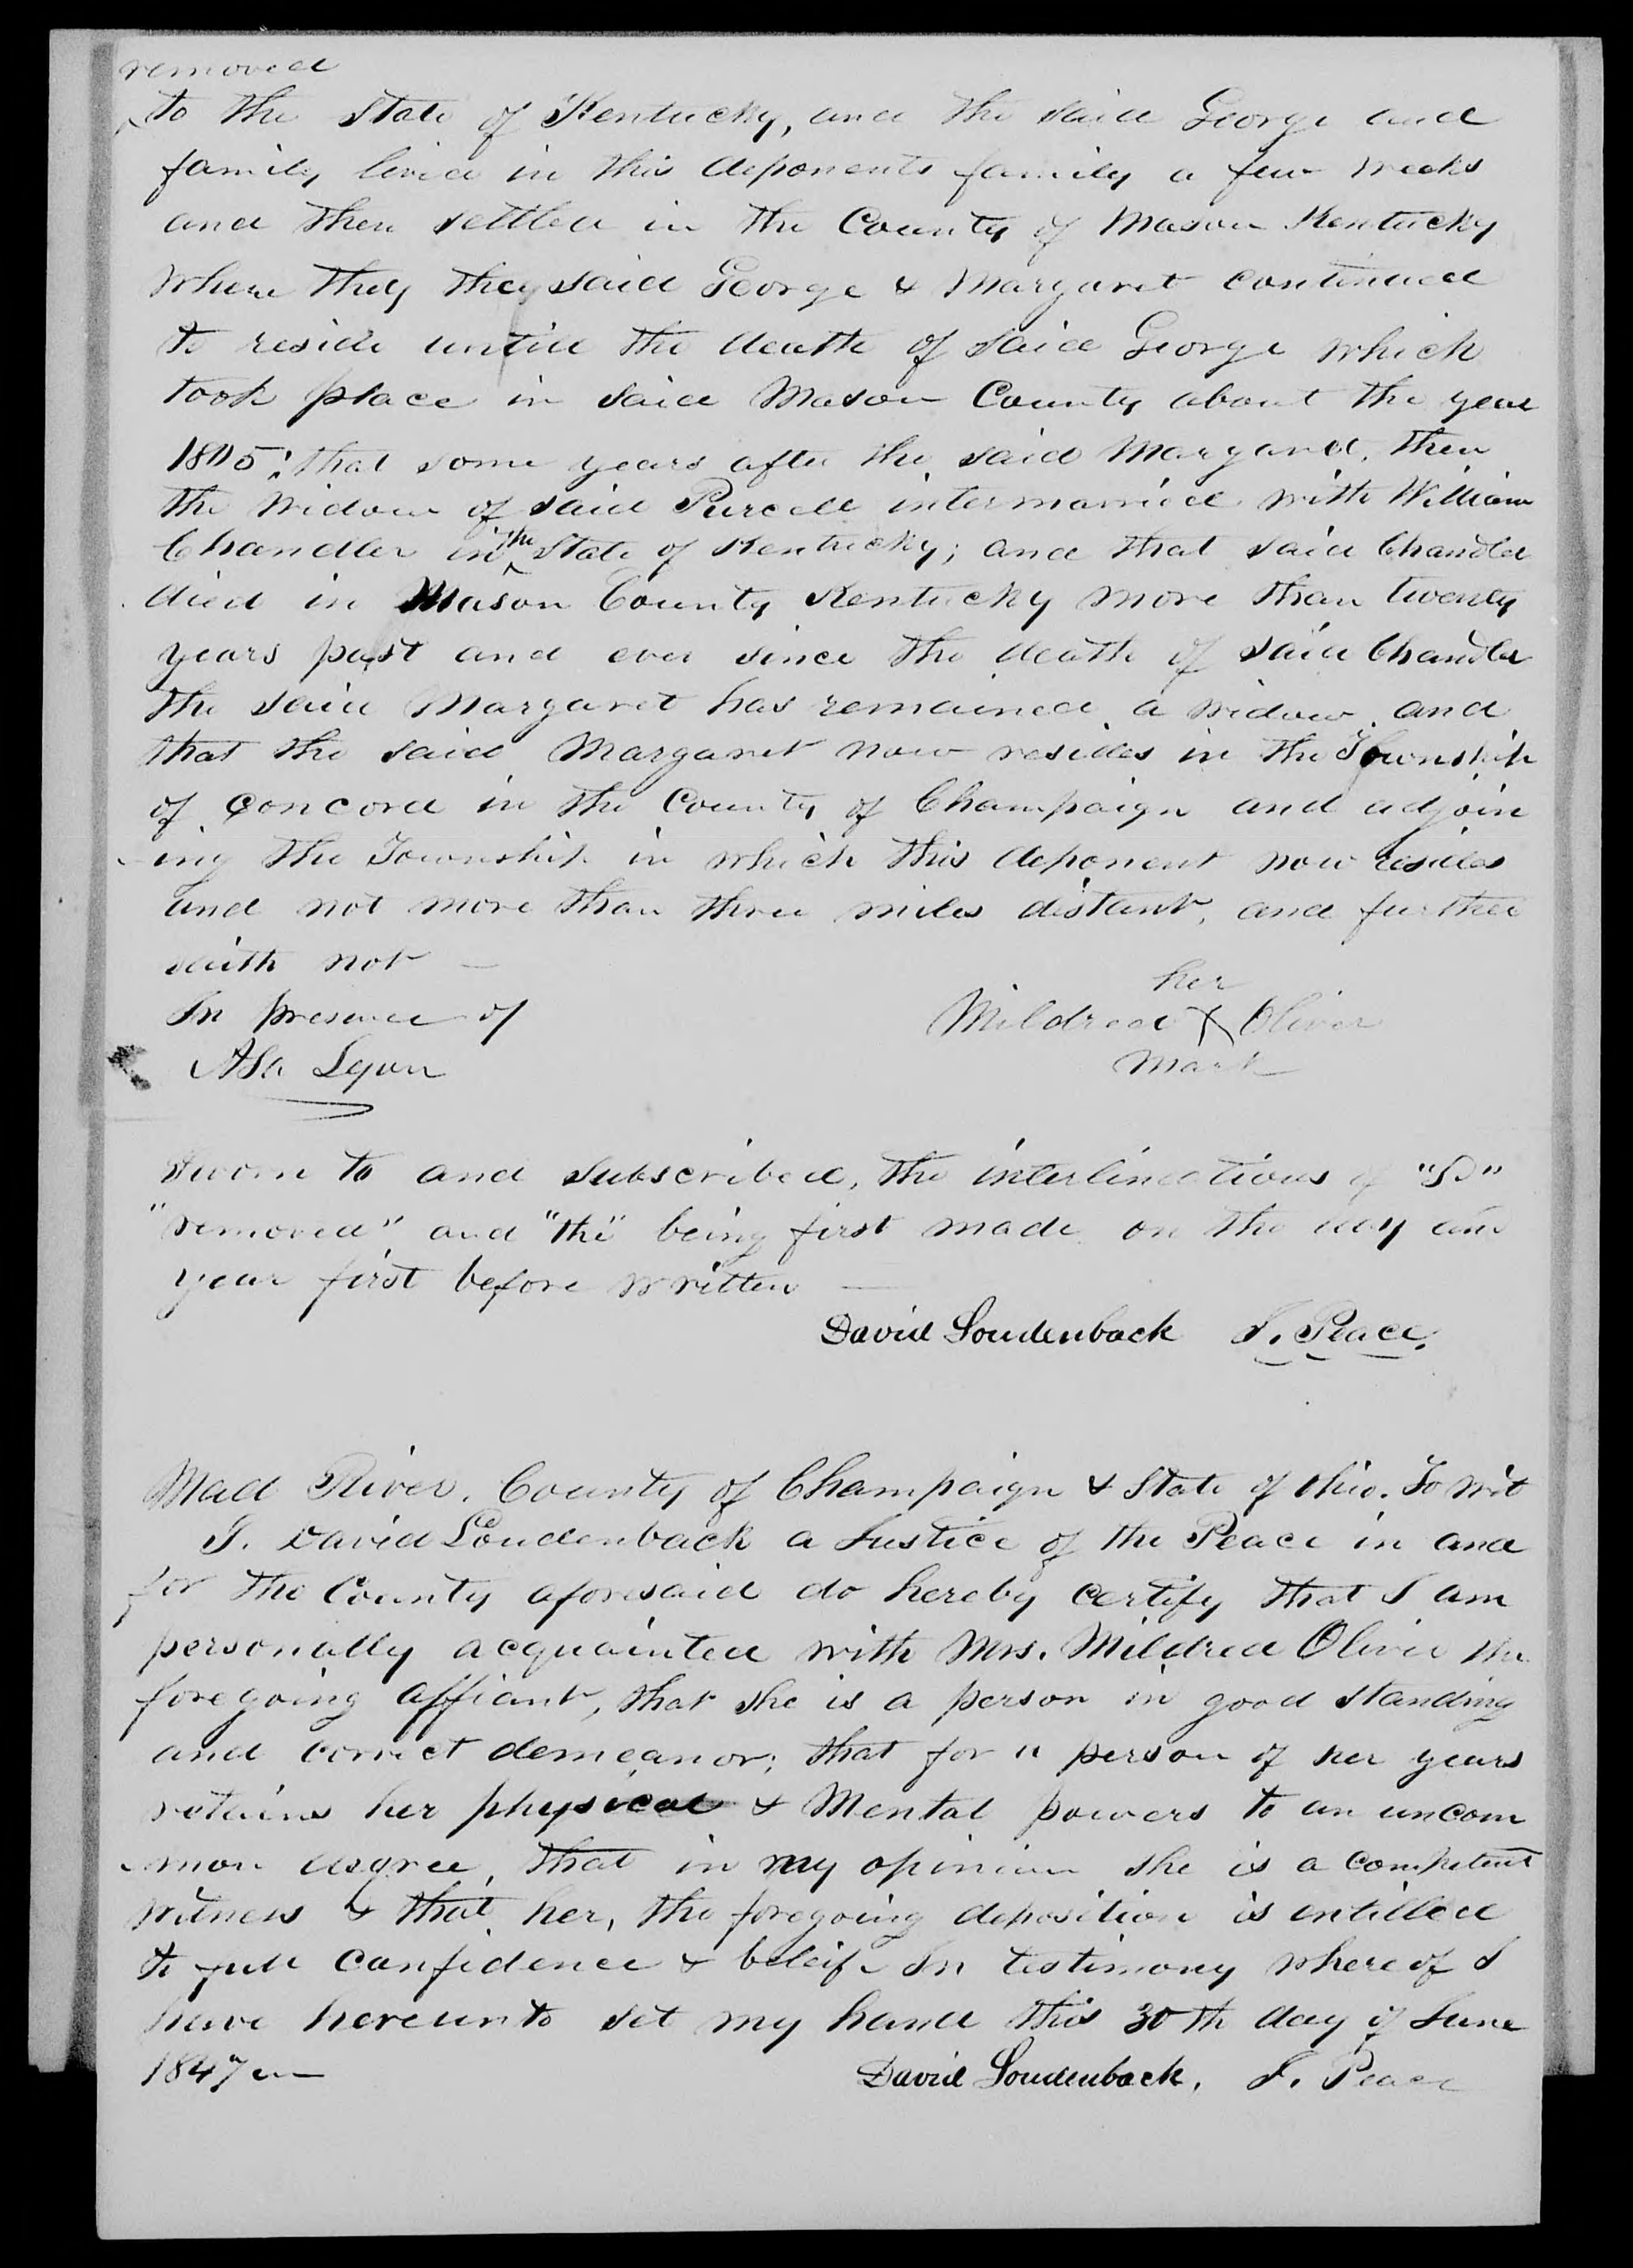removed to the State of Kentucky, and the said George and family in this deponents family a few weeks and then settled in the County of Mason Kentucky where they the said George & Margaret continued to reside untill the death of said George which took place in said Mason County about the year 1805; that some years after the said Margaret then the widow of said Purcell intermarried with William Chandler in the State of Kentucky; and that said Chandler died in Mason County Kentucky more than twenty years past and ever since the death of said Chandler the said Margaret has remained a widow and that the said Margaret now resides in the Township of Concord in the County of Champaign and adjoining the Township in which this deponent now resides and not more than three miles distant, and further saith not -
In presence of Mildred Oliver x her mark
Asa Lyon
sworn to and subscribed, the interlineations of "sd" "removed" and "the" being first made on the day and year first before written -
David Loudenback J. Peace.

Mad River, County of Champaign & State of Ohio. To wit
I, David Loudenback a Justice of the Peace in and for the County aforesaid do hereby certify that I am personally acquainted with Mrs. Mildred Oliver the foregoing affiant, that she is a person in good standing and correct demeanor; that for a person of her years retains her physical & Mental powers to an uncommon degree, that in my opinion she is a competent witness & that her, the foregoing deposition is entitled to full Confidence & belief - In testimony whereof I have hereunto set my hand this 30th day of June 1847-
David Loudenback, J. Peace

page: 15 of 86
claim: widow's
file: W. 6661, for George Purcell, Virginia